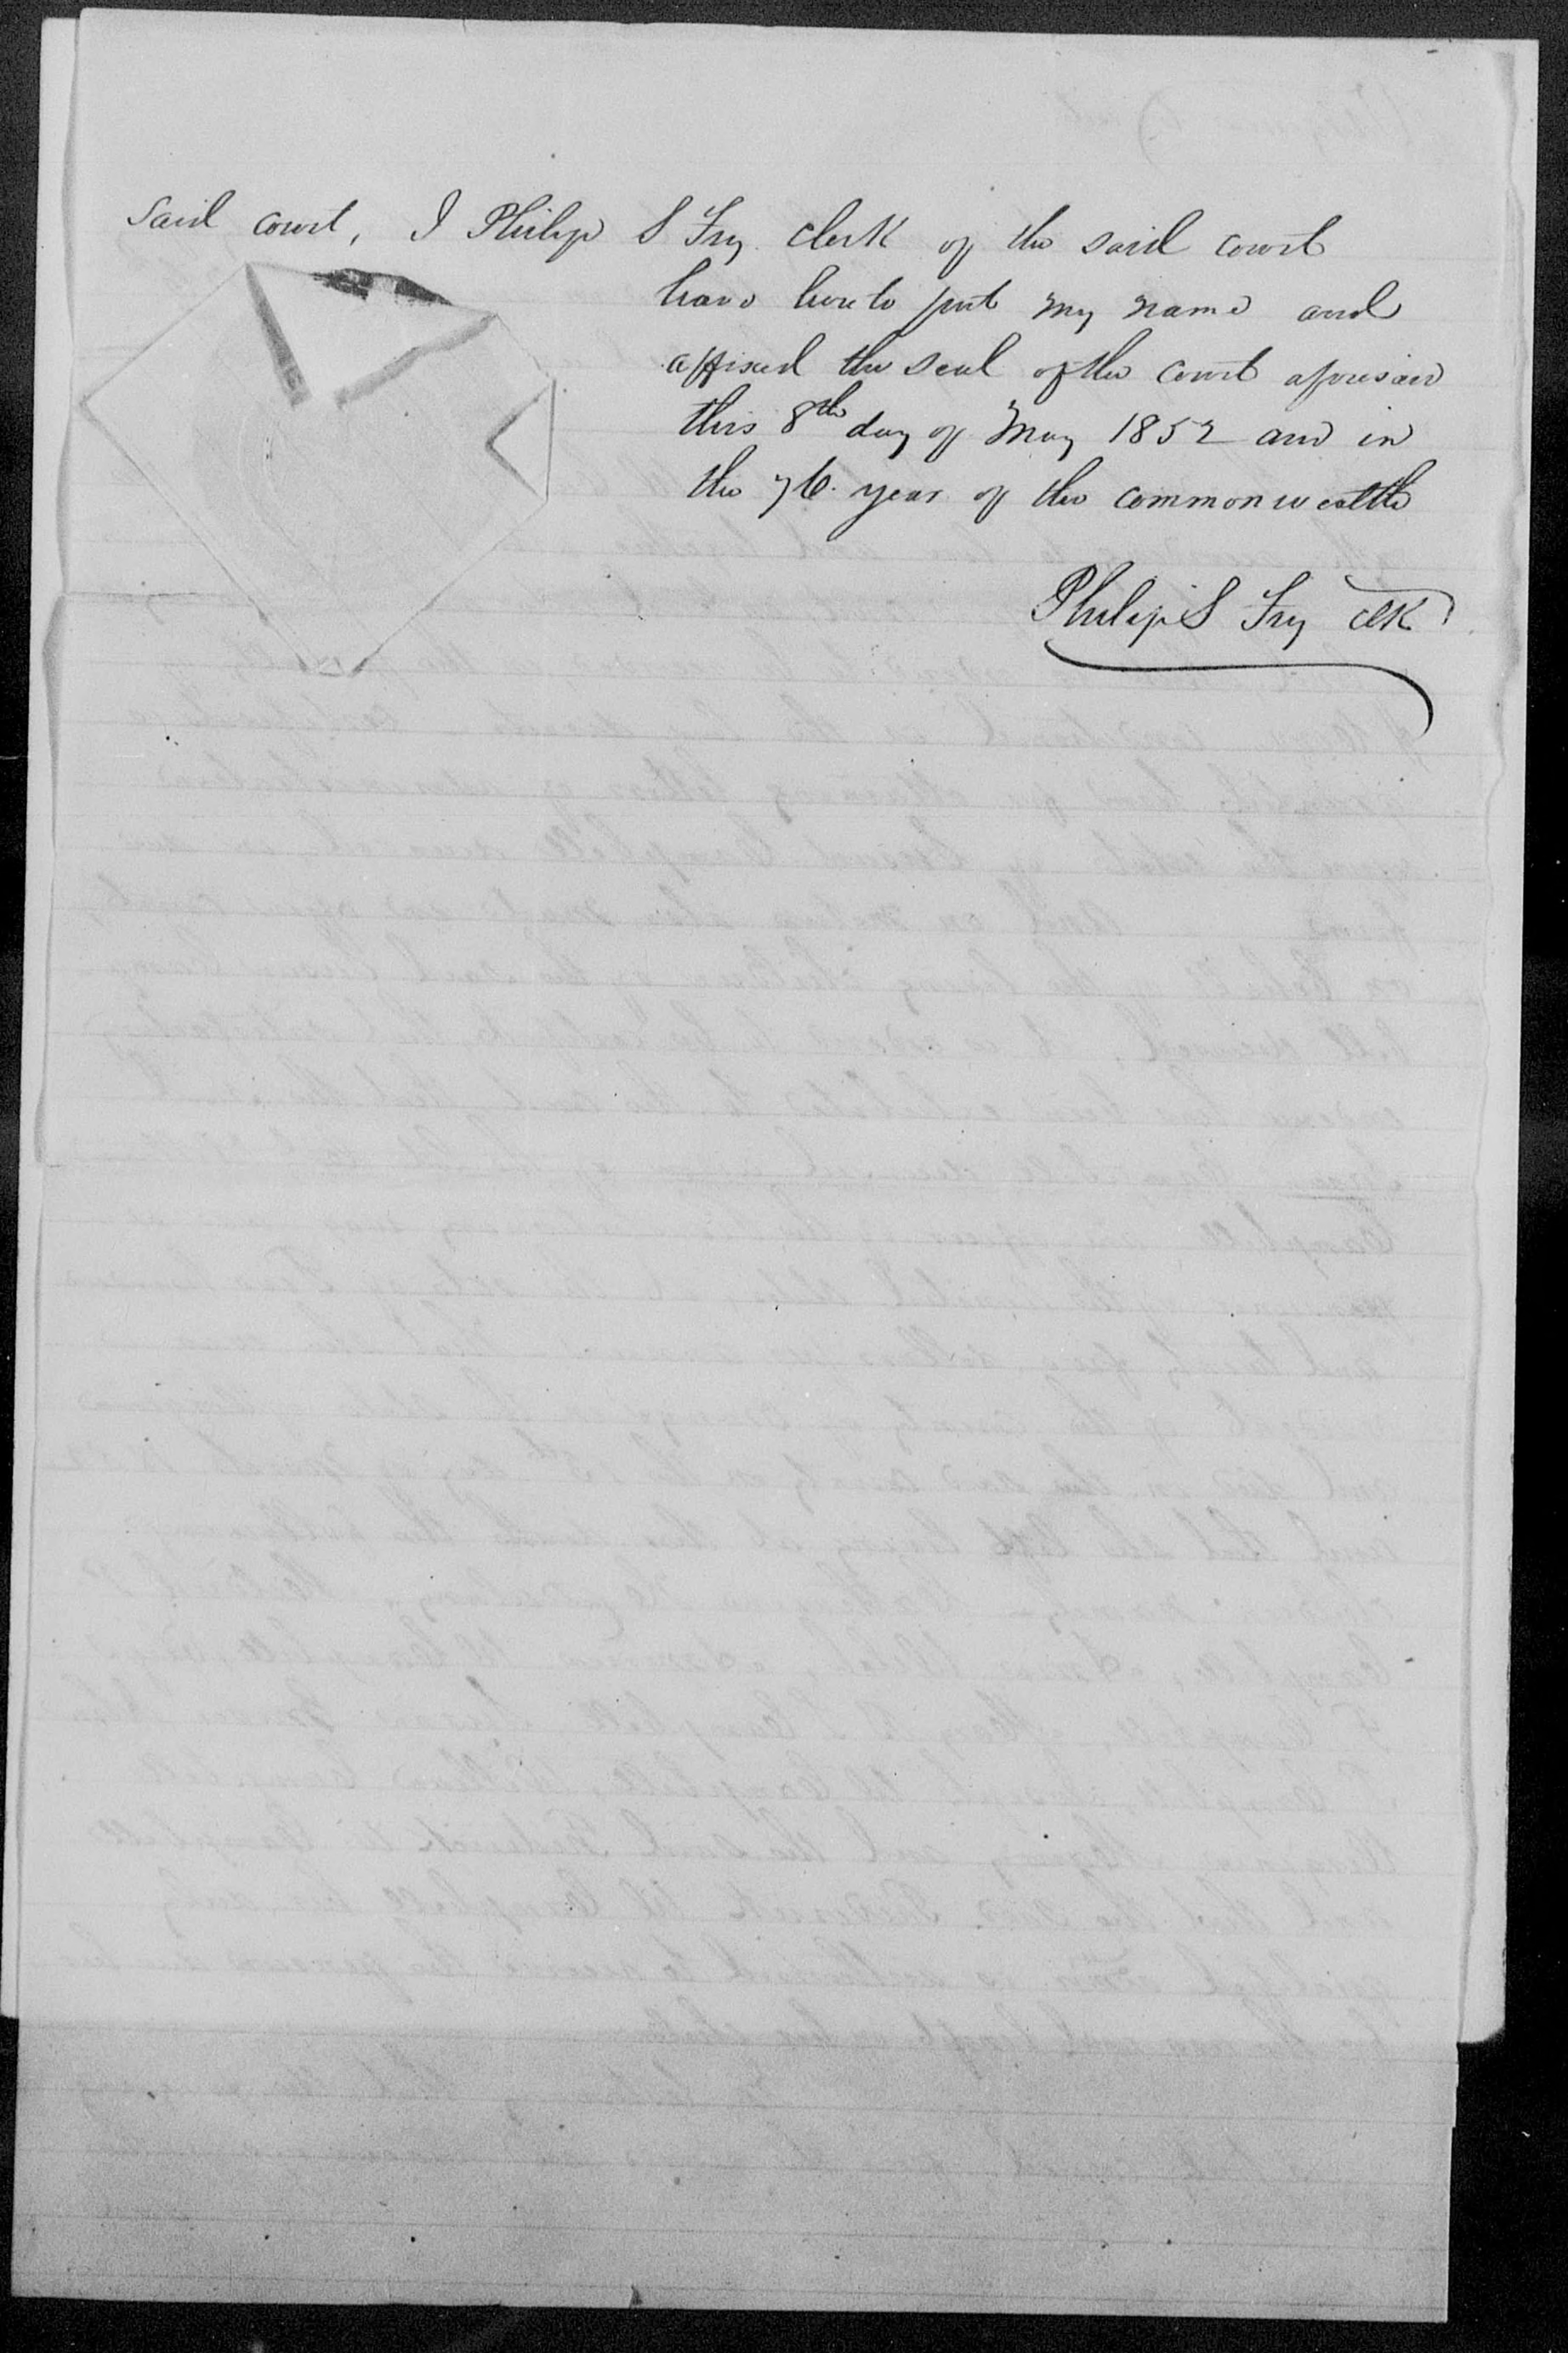said court , I Philip S. Fry clerk of the said court have here to put my name and affixed the seal of the court aforesaid this 8th day of May 1852 and in the 76 year of the commonwealth

Philip S Fry clk

[remnants of what appears to be a round seal on left side of document]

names: Philip S Fry, Philip S Fry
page: 28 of 267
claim: widow's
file: W. 4,149, William Campbell, Va.